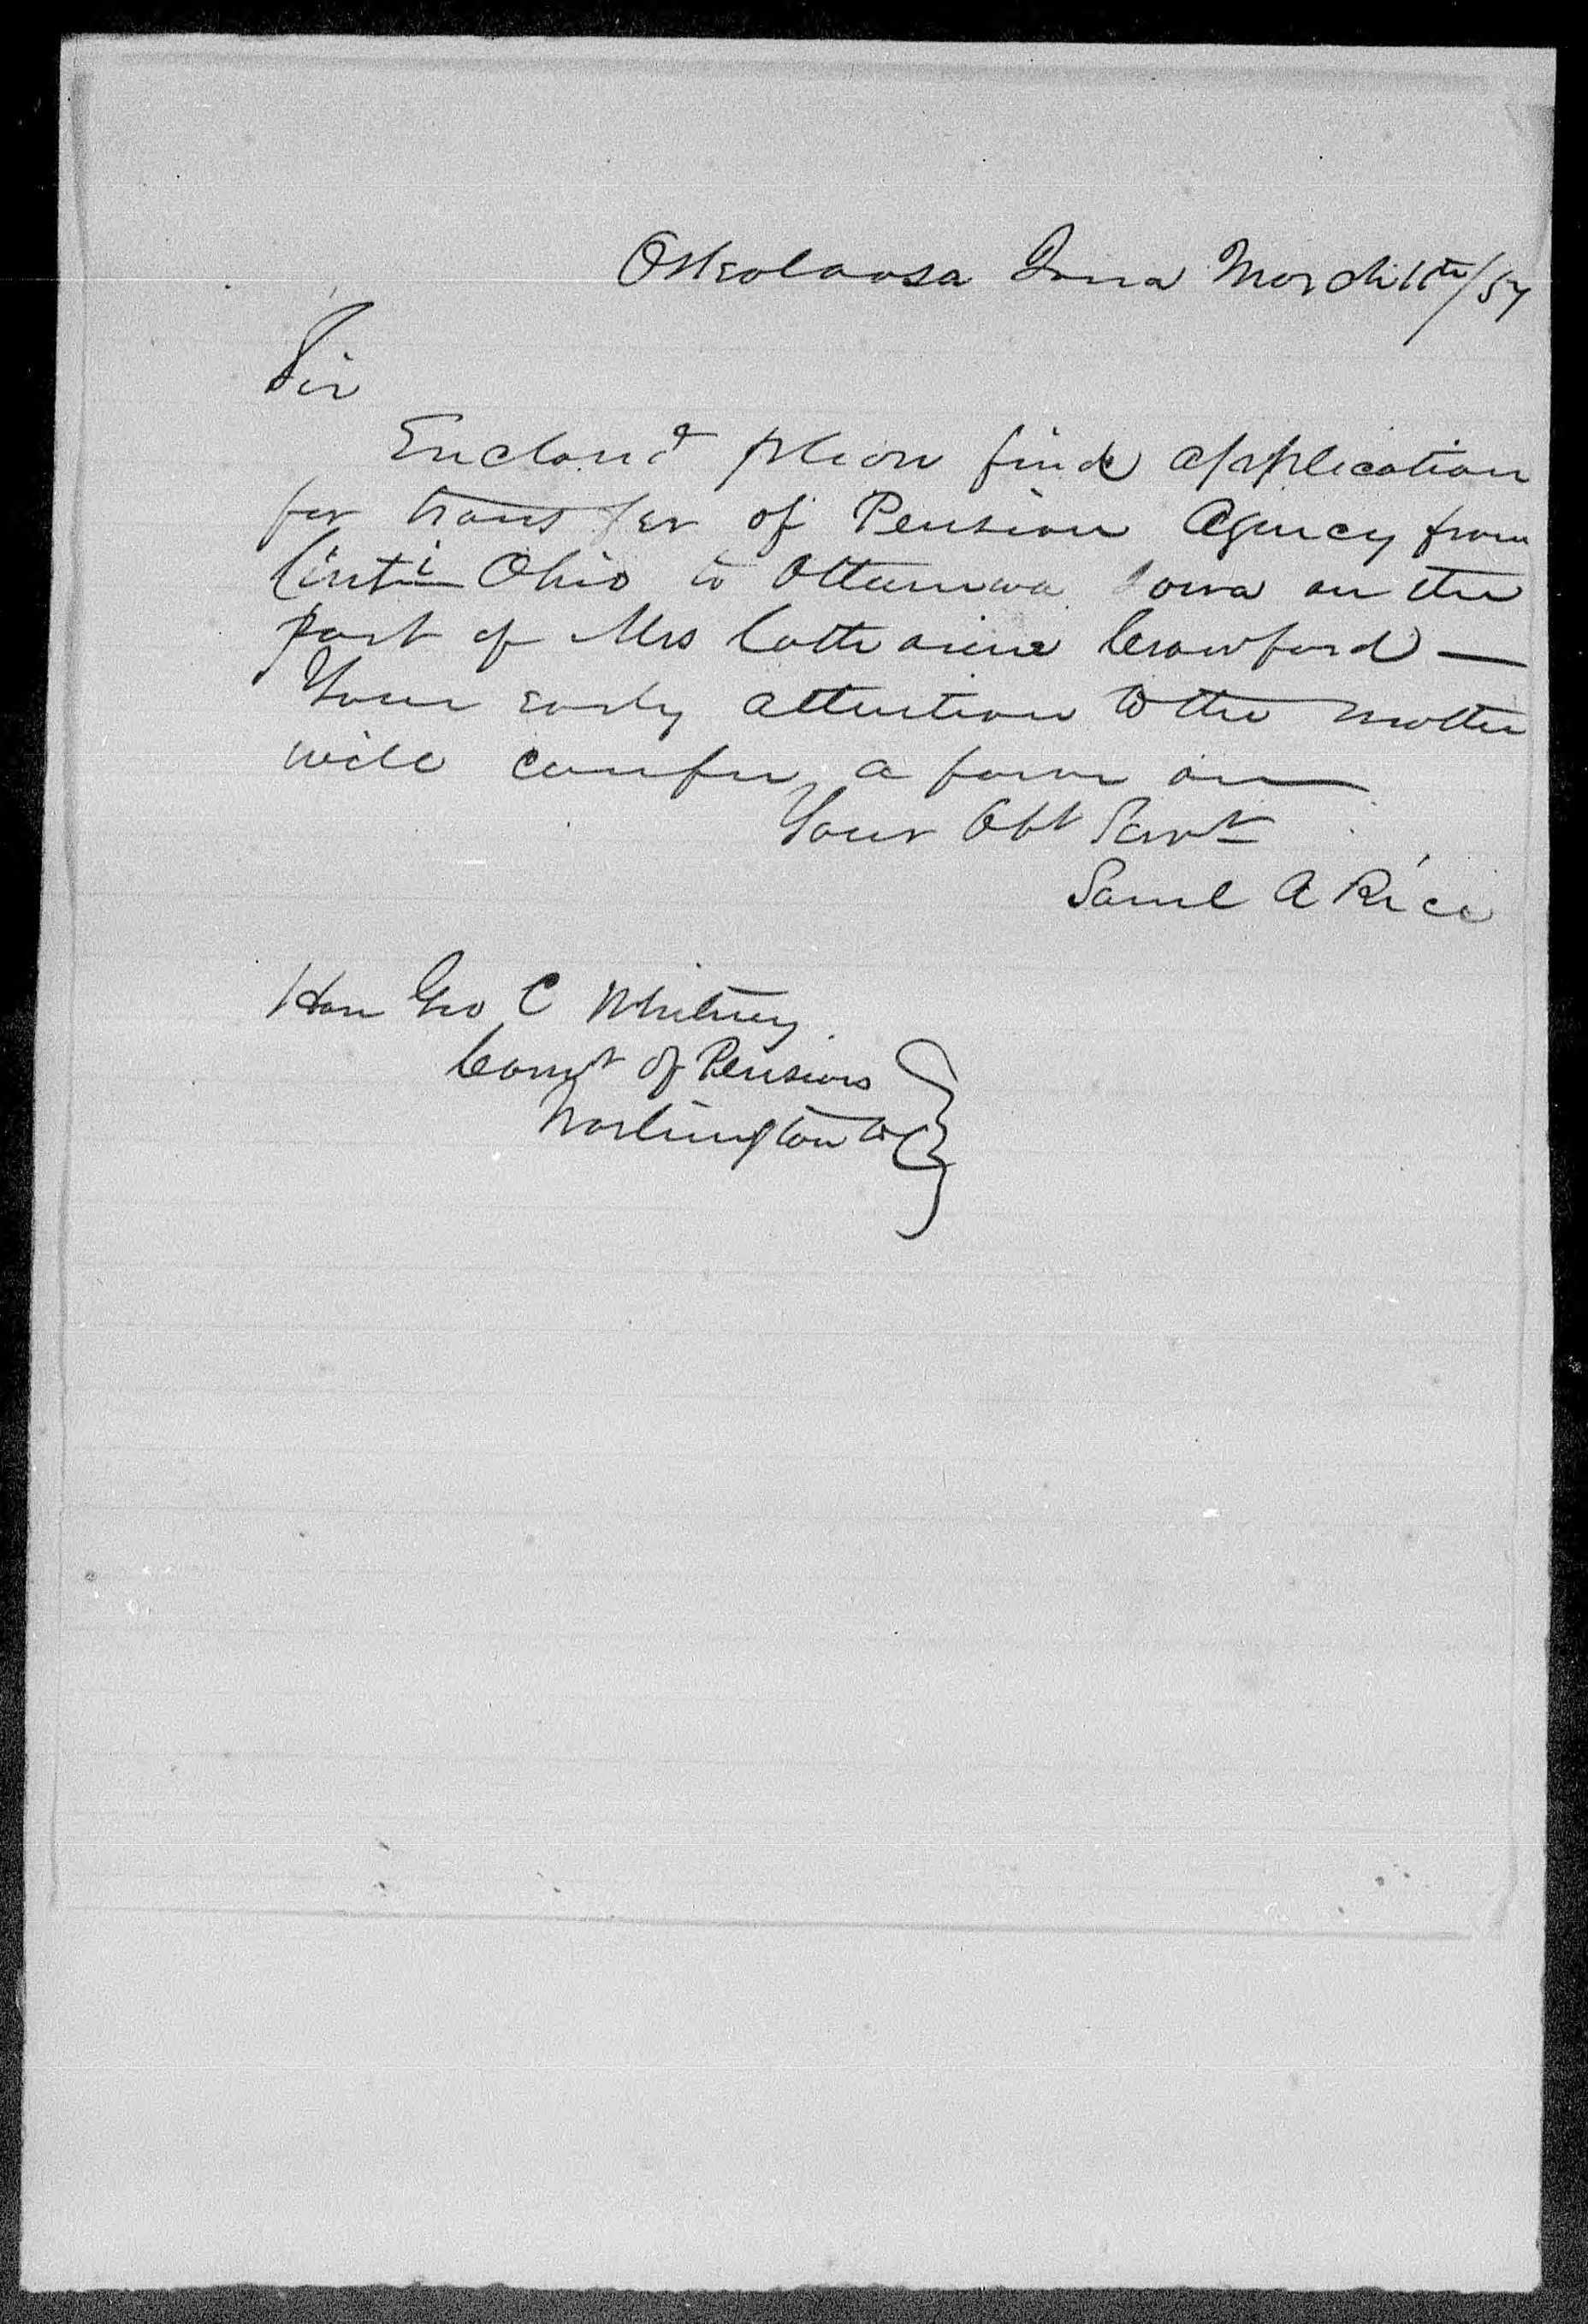Oskaloosa Iowa March 11th/577

Sir,
Enclosed please find application for transfer of Pension Agency from Cincinnati Ohio to Ottumwa Iowa on the Part of Mrs. Catharine Crawford - your early attention to the matter
will confer a favor on
Your obt sevt
Sam'l A Rice

Hon Geo C Whitney
Comm of Pensions
Washington DC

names: Geo C Whiting, Saml A Rice, Catharine Crawford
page: 59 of 80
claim: widow's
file: W 2070, John Crawford, Penn.